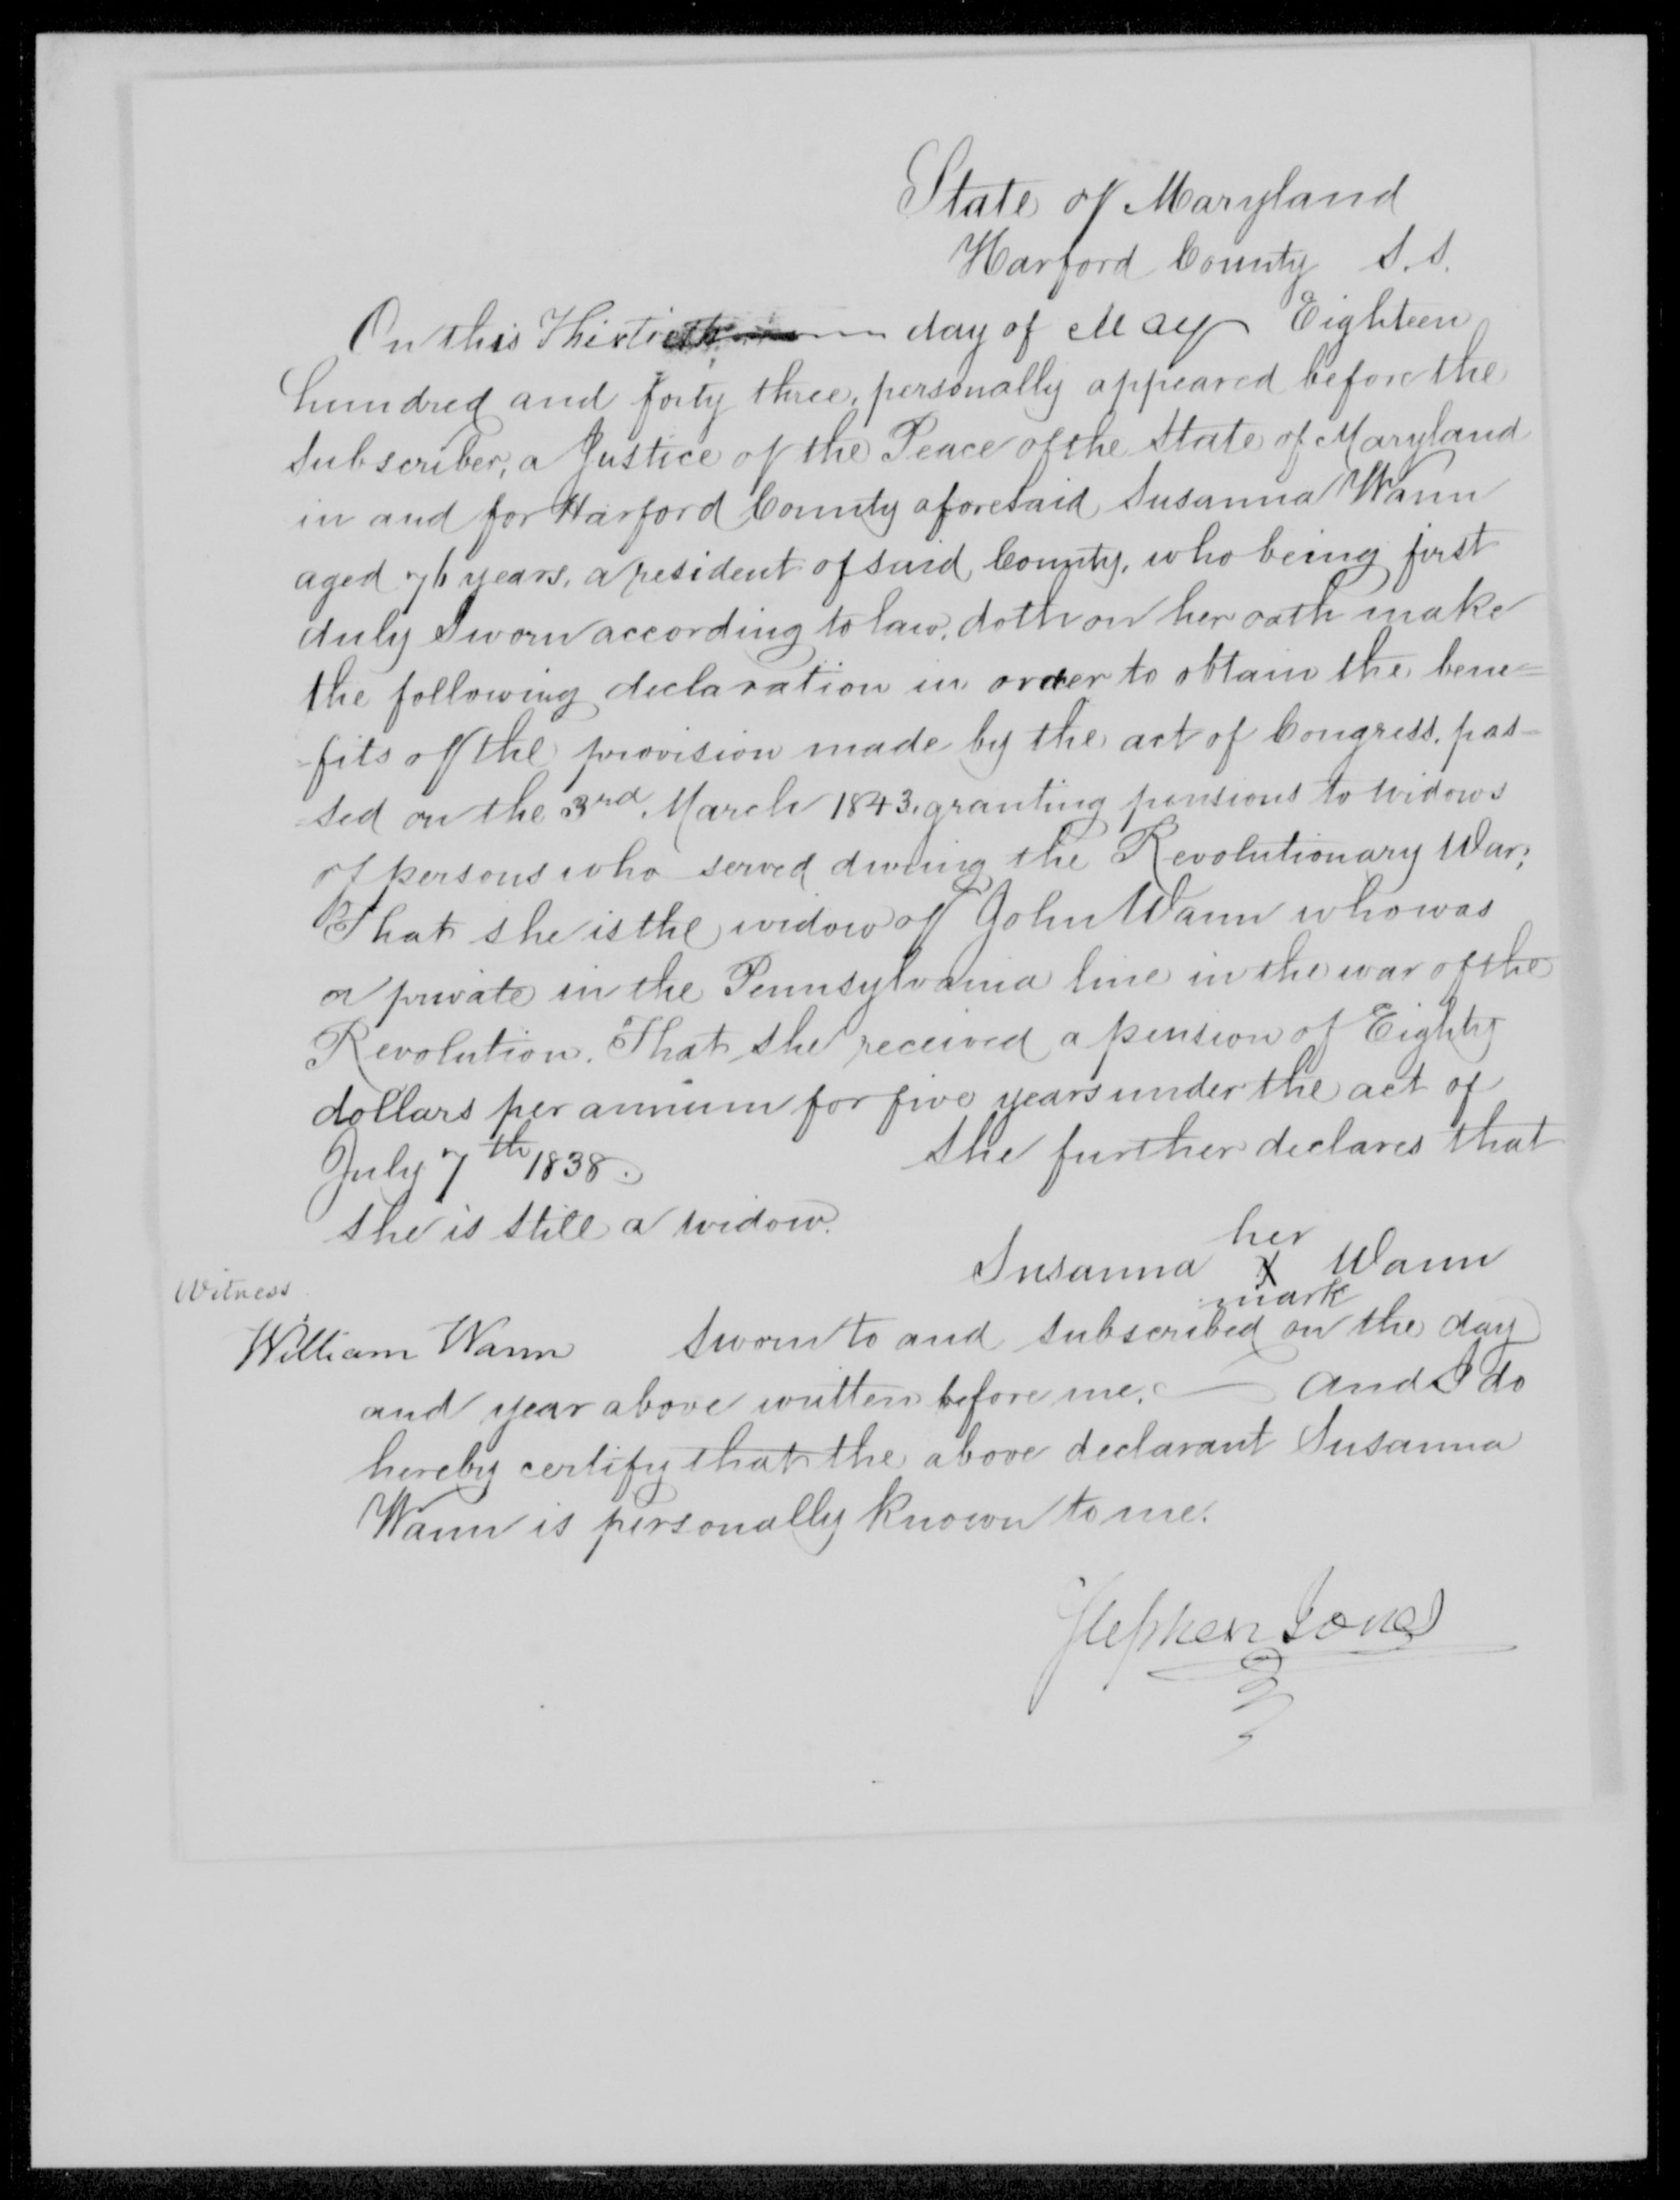State of Maryland
Harford County S.S.
On this Thirtieth day of May Eighteen hundred and forty three, personally appeared before the Subscriber, a Justice of the Peace of the State of Maryland in and for Harford County aforesaid Susanna Wann aged 76 years, a resident of said County, who being first duly sworn according to law, doth on her oath make the following declaration in order to obtain the benefits of the provision made by the act of Congress, passed on the 3rd March 1843, granting pensions to widows of persons who served during the Revolutionary War;
That she is the widow of John Wann who was a private in the Pennsylvania line in the war of the Revolution. That she received a pension of Eighty dollars per annum for five years under the act of July 7th 1838. she further declares that she is still a widow.
her
Susanna X Wann
mark
Witness
William Warm
Sworn to and subscribed on the day and year above written before me. And I do hereby certify that the above declarant Susanna Wann is personally known to me.
Stephen Jones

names: Susanna Wann, Susanna Wann, Stephen Jones, Susanna Wann, John Wann, William Wann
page: 24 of 38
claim: widow's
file: W. 3899, John Wann, Penn.